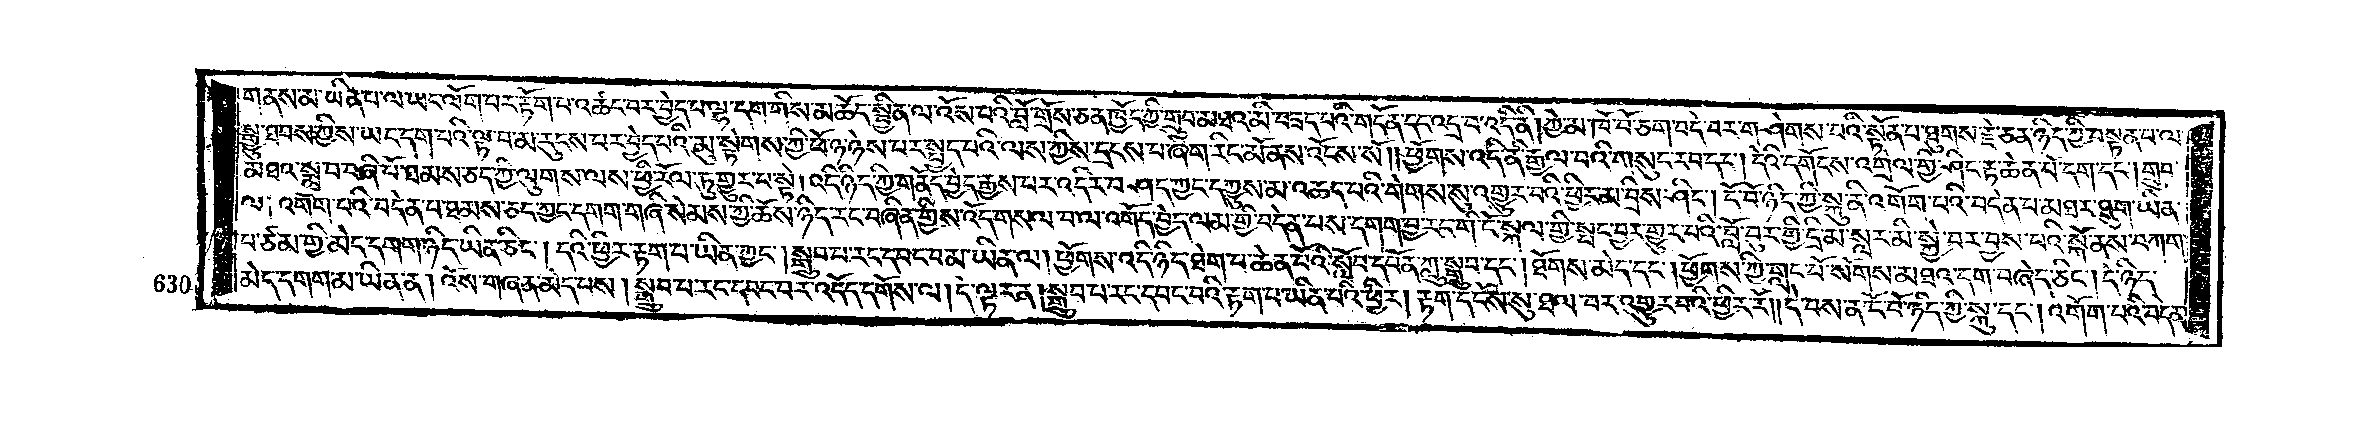གནས་མ་ཡིན་པ་ལ་ཡང་ལོག་པར་རྟོག་པ་འཚང་བར་བྱེད་པ་ལྷ་དག་གིས་མཆོད་སྦྱིན་ལ་འོས་པའི་བློ་གྲོས་ཅན་ཁྱོད་ཀྱི་གྲུབ་མཐའ་མི་བཟད་པའི་གདོན་དང་འདྲ་བ་འདི་ནི། ཀྱེ་མ་ཁོ་བོ་ཅག་བདེ་བར་གཤེགས་པའི་སྟོན་པ་ཐུགས་རྗེ་ཅན་ཉིད་ཀྱི་བཏན་པ་ལ་
སྒྱུ་ཐབས་ཀྱིས་ཡང་དག་པའི་ལྟ་བ་མ་རུངས་པར་བྱེད་པའི་མུ་སྟེགས་ཀྱི་ཕོ་ཉ་ཉེས་པར་སྤྱད་པའི་ལས་ཀྱིས་དྲངས་པ་ཞིག་རིང་མོ་ནས་འོངས་སོ། །ཕྱོགས་འདི་ནི་རྒྱལ་བའི་གསུང་རབ་དང་། དེའི་དགོངས་འགྲེལ་གྱི་ཤིང་རྟ་ཆེན་པོ་དག་དང་། གྲུབ་
མཐའ་སྨྲ་བ་བཞི་པོ་ཐམས་ཅད་ཀྱི་ལུགས་ལས་ཕྱི་རོལ་ཏུ་གྱུར་པ་སྟེ། འདི་ཉིད་ཀྱི་གནོད་བྱེད་རྒྱས་པར་འདིར་བཤད་ཀྱང་དཀྱུས་མ་འཆད་པའི་གེགས་སུ་འགྱུར་བའི་ཕྱིར་མ་བྲིས་ཤིང་། ངོ་བོ་ཉིད་ཀྱི་སྐུ་ནི་འགོག་པའི་བདེན་པ་མཐར་ཐུག་ཡིན་
ལ༑ འགོག་པའི་བདེན་པ་ཐམས་ཅད་ཀྱང་དགག་གཞི་སེམས་ཀྱི་ཆོས་ཉིད་རང་བཞིན་གྱིས་འོད་གསལ་བ་ལ་འགོད་བྱེད་ལམ་གྱི་བདེན་པས་དགག་བྱ་རང་གི་ངོ་སྐལ་གྱི་སྤང་བྱར་གྱུར་པའི་བློ་བུར་གྱི་དྲི་མ་སླར་མི་སྐྱེ་བར་བྱས་པའི་སྐོ་ནས་བཀག་
པ་ཙམ་གྱི་མེད་དགག་ཉིད་ཡིན་ཅིང་། དེའི་ཕྱིར་རྟག་པ་ཡིན་ཀྱང་། སྒྲུབ་པ་རང་དབང་བ་མ་ཡིན་ལ། ཕྱོགས་འདི་ཉིད་ཐེག་པ་ཆེན་པོའི་སློབ་དཔོན་ཀླུ་སྒྲུབ་དང་། ཐོགས་མེད་དང་། ཕྱོགས་ཀྱི་གླང་པོ་སོགས་མཐའ་དག་བཞེད་ཅིང་། དེ་ཉིད་
མེད་དགག་མ་ཡིན་ན། འོས་གཞན་མེད་པས། སྒྲུབ་པ་རང་དབང་བར་འདོད་དགོས་ལ། དེ་ལྟར་ན། སྒྲུབ་པ་རང་དབང་བའི་རྟག་པ་ཡིན་པའི་ཕྱིར། རྟག་དངོས་སུ་ཐལ་བར་འགྱུར་བའི་ཕྱིར་རོ། །དེ་བས་ན་ངོ་བོ་ཉིད་ཀྱི་སྐུ་དང་། འགོག་པའི་བདེན་